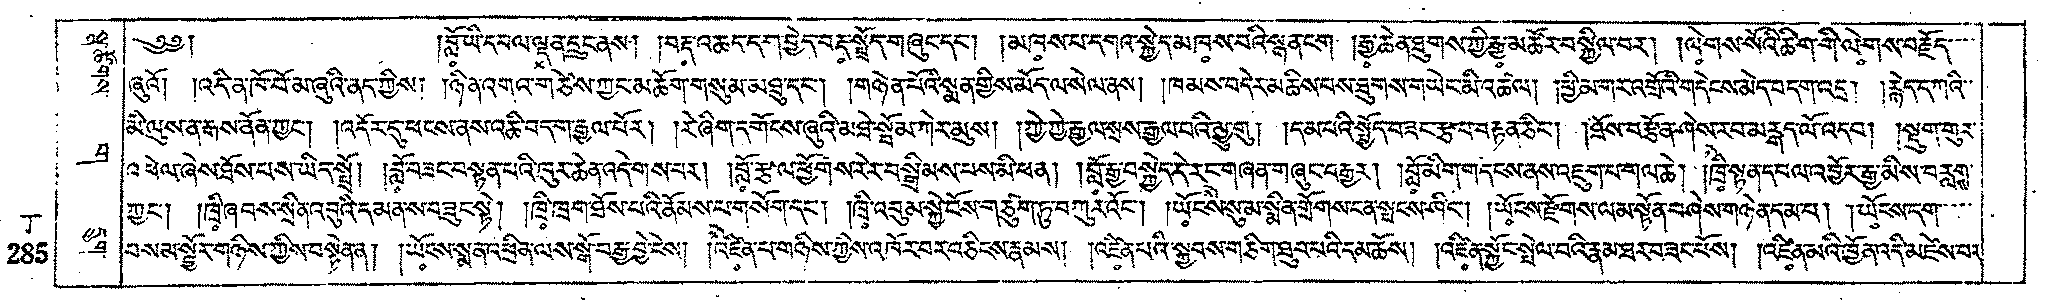༄༅། །བློ྾་ཡི་དཔལ་ལྡན྾་དྲུང་ནས། །བརྡ྾་འཆད་དག་བྱེད་བརྡ྾་སྤྲོད་གཞུང་དང་། །མཁས྾་པ་དགའ་སྐྱེད་མཁས྾་པའི་སྙན་ངག །རྒྱ྾་ཆེན་ཐུགས་ཀྱི་རྒྱ྾་མཚོར་བསྐྱིལ་བར། །ལེགས྾་སོའི་ཚིག་གི་ལེགས྾་བརྗོད་་་
ཞུའོ། །འདི་ན་ཁོ་བོ་མ་ཞུའི་ནད་ཀྱིས། །ཉིན་འགའ་གཙེས་ཀྱང་མཆོག་གསུམ་མཐུ་དང་། །གཉེན་པོའི་སྨན་གྱིས་མོད་ལ་སེལ་ནས། །ཁམས་བདེར་མཆིས་པས་ཐུགས་གཡེང་མི་འཚལ། །ཕྱི་མ་གར་འགྲོའི་གདེངས་མེད་བདག་འདྲ། །རྙེད་དཀའི་་་
མི་ལུས་ན་རྒས་ནོན་ཀྱང་། །འདོར་དུ་ཕངས་ནས་འཆི་བདག་རྒྱལ་པོར། །རེ་ཞིག་དགོངས་ཞུའི་མཐེ་སྦོམ་ཀེར་མུས། །ཀྱེ་ཀྱེ་རྒྱལ་སྲས་རྒྱལ་བའི་མྱུ་གུ། །དམ་པའི་སྤྱོད་བཟང་རྩ་བ་བརྟན་ཅིང་། །ཐོས་བརྩོན་ཤེས་རབ་མརྒད་ལོ་འདབ། །སྡུག་གུར་
འཕེལ་ཞེས་ཐོས་པས་ཡིད་སྤྲོ། །བློ྾་བཟང་བསྟན་པའི་ཁུར་ཆེན་འདེགས་པར། །བློ྾་རྩལ་ཕྱོགས་རེར་བསྒྲིམས་པས་མི་ཕན། །བློ྾་རྒྱ་བསྐྱེད་དེ་རང་གཞན་གཞུང་བརྒྱར། །བློ྾་མིག་གདངས་ནས་འཇུག་པ་གལ་ཆེ། །ཁྲི྾་སྟན་དཔལ་འབྱོར་རྒྱ་མིས་བརླགས་
ཀྱང་། །ཁྲི྾་ཞབས་སྲིན་འབུའི་དམན་ས་བཟུང་སྟེ། །ཁྲི྾་ཁྲག་ཐོས་པའི་ནོམས་པ་གསོག་དང་། །ཁྲི྾་འབུམ་སྐྱེ་བོས་གཙུག་ཏུ་བཀུར྾་འོང་། །ཡོངས྾་སུ་མ་སྨིན་གྲོགས་ངན་སྤངས་ཤིང་། །ཡོངས྾་རྫོགས་ལམ་སྟོན་བཤེས་གཉེན་དམ་པ། །ཡོངས྾་དག་་་
བསམ་སྦྱོར་གཉིས་ཀྱིས་བསྟེན་ན། །ཡོངས྾་སྨན་འཕྲིན་ལས་སྒོ་བརྒྱ་བྱེ་ངེས། །འཛིན྾་པ་གཉིས་ཀྱིས་འཁོར་བར་བཅིངས་རྣམས། །འཛིན྾་པའི་སྐྱབས་གཅིག་ཐུབ་པའི་དམ་ཆོས། །འཛིན་སྐྱོང་སྤེལ་བའི་རྣམ་ཐར་བཟང་པོས། །འཛིན྾་མའི་ཁྱོན་འདི་མཛེས་པར་